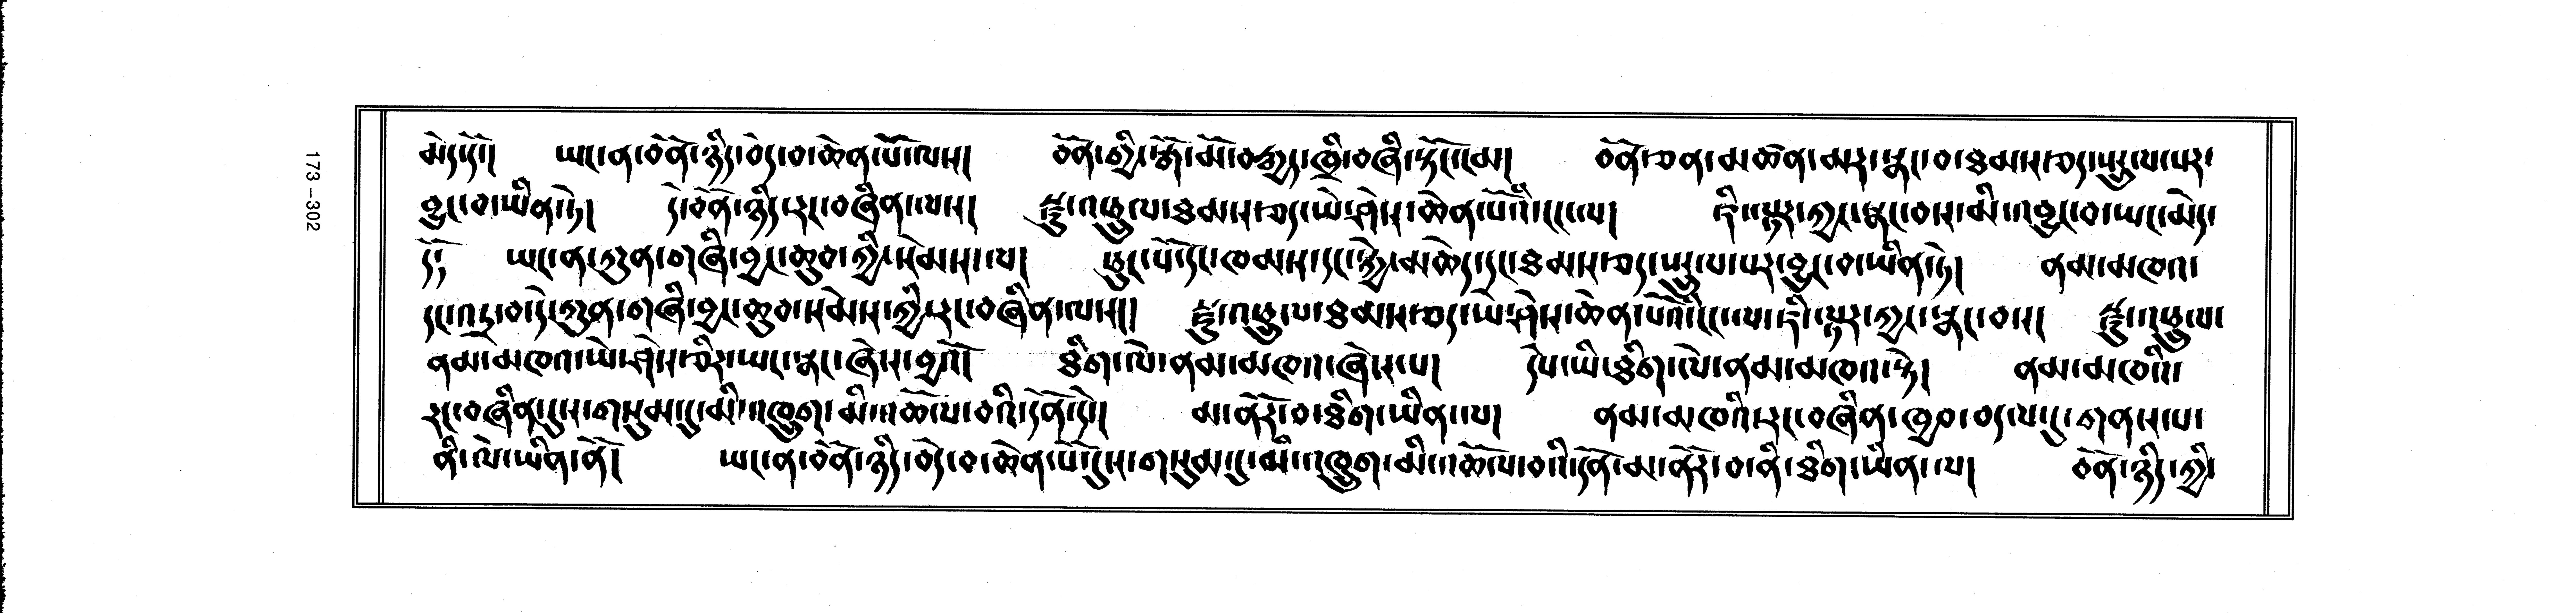མེད་དོ། །ཡང་ན་བོན་ཉིད་བདེ་བ་ཆེན་པོ་ལས། བོན་གྱི་སྒོ་མོ་བརྒྱད་ཁྲི་བཞི་སྟོང་ངམ། བོན་ཅན་མཚན་མར་སྣང་བ་ཐམས་ཅད་སྤྲུལ་པར་
འབྱུང་བ་ཡིན་ཏེ། དེ་བོན་ཉིད་རང་བཞིན་ལས། རྫུ་འཕྲུལ་ཐམས་ཅད་ཡེ་ཤེས་ཆེན་པོའི་ངང་ལ། ཇི་ལྟར་ཀྱང་སྣང་བས་མི་འབྱུང་བ་ཡང་མེད་
དོ། །ཡང་ན་ཀུན་གཞི་བྱང་ཆུབ་ཀྱི་སེམས་ལ། ཕུང་པོ་དང་ཁམས་དང་སྐྱེ་མཆེད་ཐམས་ཅད་སྤྲུལ་པར་བྱུང་བ་ཡིན་ཏེ། ནམ་མཁའ་
དང་འདྲ་བ་དེ་ཀུན་གཞི་བྱང་ཆུབ་སེམས་ཀྱི་རང་བཞིན་ལས། རྫུ་འཕྲུལ་ཐམས་ཅད་ཡེ་ཤེས་ཆེན་པོའི་ངང་ལ་ཇི་ལྟར་ཀྱང་སྣང་བས། རྫུ་འཕྲུལ་
ནམ་མཁའ་ཡེ་ཤེས་ཅིར་ཡང་སྣང་ཞེས་བྱའོ། །ཐིག་ལེ་ནམ་མཁའ་ཞེས་པ། དཔེ་ཡི་ཐིག་ལེ་ནམ་མཁའ་སྟེ། ནམ་མཁའི་
རང་བཞིན་དུས་གསུམ་དུ་མི་འཁྲུག་མི་འཆོལ་བའི་དོིན་དེ། མ་ནོར་བ་ཐིག་ཡིན་ལ། ནམ་མཁའི་རང་བཞིན་ཁྱབ་བདལ་དུ་གནས་པ་
ནི་ལེ་ཡིན་ནོ། །ཡང་ན་བོན་ཉིད་བདེ་བ་ཆེན་པོ་དུས་གསུམ་དུ་མི་འཁྲུག་མི་འཆོལ་བའི་དོན་མ་ནོར་བ་ནི་ཐིག་ཡིན་ལ། བོན་ཉིད་ཀྱི་